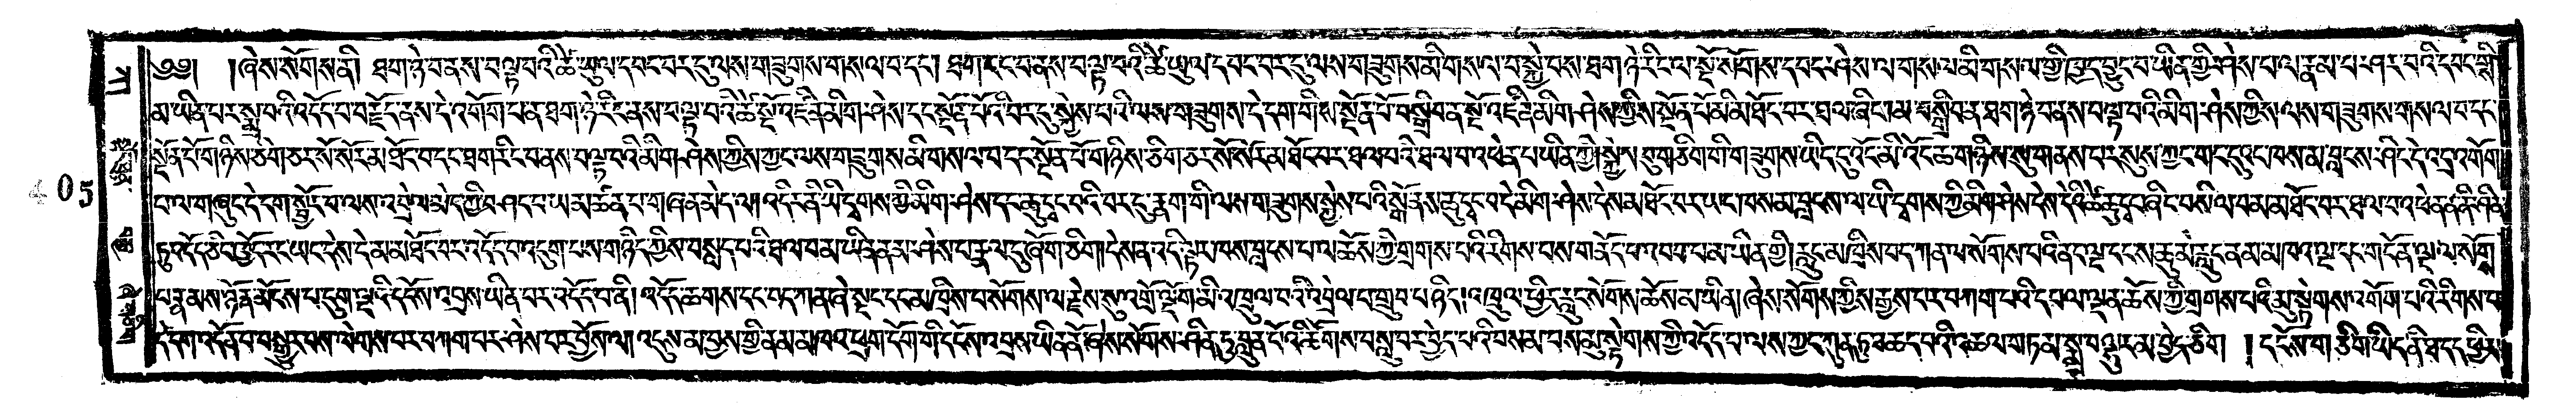༄༅། །ཞེས་སོགས་ནི། ཐག་ཉེ་བ་ནས་བལྟ་བའི་ཚེ་ཡུལ་དབང་བར་དུ་ལས་གཟུགས་གསལ་བ་དང་། ཐག་རིང་བ་ནས་བལྟ་བའི་ཚེ་ཡུལ་དབང་བར་དུ་ལས་གཟུགས་མི་གསལ་བ་སྐྱེ་བས་ཐག་ཉེ་རིང་ལ་སྔོ་སོགས་དབང་ཤེས་ལ་གསལ་མི་གསལ་གྱི་ཁྱད་བྱུང་བ་ཡིན་གྱི་ཤེས་པ་ལ་རྣམ་པ་ཤར་བའི་དབང་གིས་
མ་ཡིན་པར་སྨྲ་བའི་འདོད་པ་བརྗོད་ནས་དེ་འགོག་པ་ན་ཐག་ཉེ་རིང་ནས་བལྟ་བའི་ཚེ་སྔོ་འཛིན་མིག་ཤེས་དང་སྔོན་པོའི་བར་དུ་སྐྱེས་པའི་ལས་གཟུགས་དེ་དག་གིས་སྔོན་པོ་བསྒྲིབ་ན་སྔོ་འཛིན་མིག་ཤེས་ཀྱིས་སྔོན་པོ་མི་མཐོང་བར་ཐལ་ཞིང་། མ་བསྒྲིབ་ན་ཐག་ཉེ་བ་ནས་བལྟ་བའི་མིག་ཤེས་ཀྱིས་ལས་གཟུགས་གསལ་བ་དང་
སྔོན་པོ་གཉིས་ཅིག་ཅར་སོ་སོར་མཐོང་བ་དང་ཐག་རིང་བ་ནས་བལྟ་བའི་མིག་ཤེས་ཀྱིས་ཀྱང་ལས་གཟུགས་མི་གསལ་བ་དང་སྔོན་པོ་གཉིས་ཅིག་ཅར་སོ་སོར་མཐོང་བར་ཐལ་བའི་ཐལ་བ་འཕེན་པ་ཡིན་གྱི། སྐྱེས་བུ་གཅིག་གི་གཟུགས་ཡིད་དུ་འོང་མི་འོང་ཆ་གཉིས་སུ་གནས་པར་སུས་ཀྱང་གང་དུའང་ཁས་མ་བླངས་ཤིང་དེ་འདྲ་འགོག་
པ་ལ་གཞུང་དེ་དག་སྦྱོར་བ་ལས་འབྲེལ་མེད་ཀྱི་བཤད་པ་ཡ་མཚན་པ་གཞན་མེད་ལ། འདིར་ནི་ཡི་དྭགས་ཀྱི་མིག་ཤེས་དང་ཆུ་དྭང་བའི་བར་དུ་རྣག་གི་ལས་གཟུགས་སྐྱེས་པའི་སྒོ་ནས་ཆུ་དྭང་བ་དེ་མིག་ཤེས་དེས་མཐོང་བར་ཡང་ཁས་མ་བླངས་ལ་ཡི་དྭགས་ཀྱི་མིག་ཤེས་དེས་དེའི་ཚེ་ཆུ་དྭང་ཞིང་བསིལ་བམ་མཐེང་བར་ཐལ་བ་འཕེན་ན་ནི་ཤིན་
ཏུ་འདོད་ཅིང་ཁྱོད་རང་ཡང་དེས་དེ་མ་མཐོང་བར་འདོད་པ་འདུག་པས་གཉིད་ཀྱིས་བསླད་པའི་ཐལ་བམ་ཡིན་ནམ་ཤེས་པ་རྣལ་དུ་ཞོག་ཅིག་དེས་ན་འདི་ལྟར་ཁས་བླངས་པ་ལ་ཆོས་ཀྱི་གྲགས་པའི་རིགས་པས་གནོད་བ་འབབ་པ་མ་ཡིན་གྱི། རླུང་མཁྲིས་པད་ཀན་ལ་སོགས་པའི་ནང་ལྔ་དང་ས་ཆུ་མེ་རླུང་ནམ་མཁའ་ལྔ་དང་གདོན་ལྔ་ལ་སོགས་
པ་རྣམས་ཉོན་མོངས་པ་དུག་ལྔའི་དངོས་འབྲས་ཡིན་པར་འདོད་པ་ནི། འདོད་ཆགས་དང་པད་ཀན་ཞེ་སྡང་དང་མཁྲིས་པ་སོགས་ལ་རྗེས་སུ་འགྲོ་ལྡོག་མི་འཁྲུལ་བའི་འབྲེལ་པ་གྲུབ་པ་ཉིད། འཁྲུལ་ཕྱིར་རླུང་སོགས་ཆོས་མ་ཡིན། ཞེས་སོགས་ཀྱིས་རྒྱས་པར་བཀག་པའི་དཔལ་ལྡན་ཆོས་ཀྱི་གྲགས་པའི་མུ་སྟེགས་འགོག་པའི་རིགས་པ་
དེ་དག་འདོན་པ་བསྒྱུར་བས་ལེགས་པར་བཀག་པར་ཤེས་པར་བྱོས་ལ། འདུས་མ་བྱས་གྱི་ནམ་མཁའ་ཕྲག་དོག་གི་དངོས་འབྲས་ཡིན་ནོ་ཞེས་སོགས་ཤིན་ཏུ་བླུན་པོའི་ཚོགས་བསླུ་བར་བྱེད་པའི་བསམ་པས་མུ་སྟེགས་ཀྱི་འདོད་པ་ལས་ཀྱང་ཀུན་ཏུ་ཐ་ཆད་པའི་འཆལ་གཏམ་སྨྲ་བ་ལྷུར་མ་བྱེད་ཅིག །དངོས་གཅིག་ཡིད་ནི་ཐ་དད་ཕྱིར་